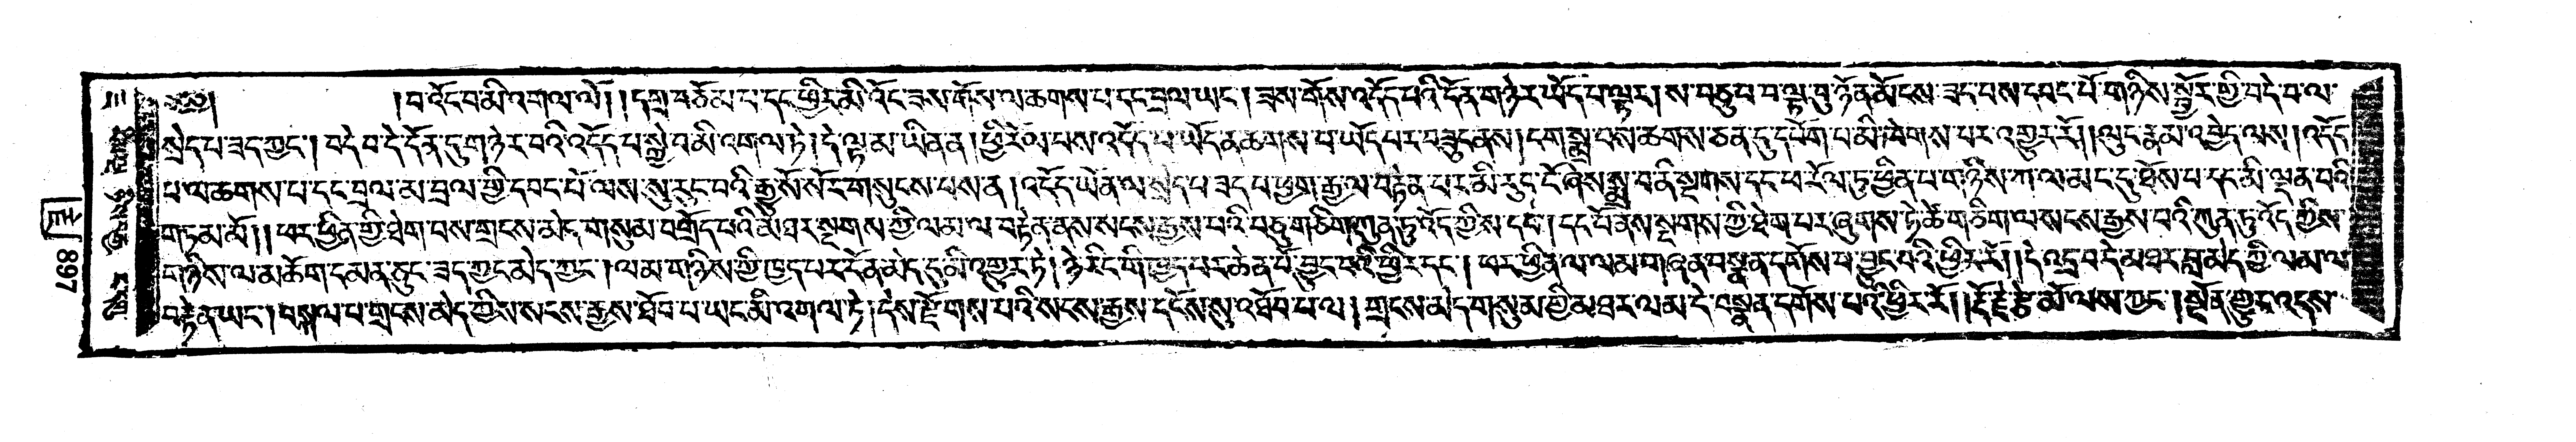༄༅། །བ་འོང་བ་མི་འགལ་ལོ། །དགྲ་བཅོམ་པ་དང་ཕྱིར་མི་འོང་ཟས་གོས་ལ་ཆགས་པ་དང་བྲལ་ཡང་། ཟས་གོས་འདོད་པའི་དོན་གཉེར་ཡོད་པ་ལྟར། ས་བཅུ་པ་བ་ལྟ་བུ་ཉོན་མོངས་ཟད་པས་དབང་པོ་གཉིས་སྦྱོར་གྱི་བདེ་བ་ལ་
སྲེད་པ་ཟད་ཀྱང་། བདེ་བ་དེ་དོན་དུ་གཉེར་བའི་འདོད་པ་སྐྱེ་བ་མི་འགལ་ཏེ། དེ་ལྟ་མ་ཡིན་ན། ཕྱི་རོལ་པས་འདོད་པ་ཡོད་ན་ཆགས་པ་ཡོད་པར་བཟུང་ནས། ངག་སྨྲ་བས་ཆགས་ཅན་དུ་དཔོག་པ་མི་ཁེགས་པར་འགྱུར་རོ། །ལུང་རྣམ་འབྱེད་ལས། འདོད་
པ་ལ་ཆགས་པ་དང་བྲལ་མ་བྲལ་གྱི་དབང་པོ་ལས་སུ་རུང་བའི་རྒྱུ་སོ་སོར་གསུངས་པས་ན། འདོད་ཡོན་ལ་སྲེད་པ་ཟད་པ་ཕྱག་རྒྱ་ལ་བརྟེན་པར་མི་རུང་ངོ་ཞེས་སྨྲ་བ་ནི་སྔགས་དང་ཕ་རོལ་ཏུ་ཕྱིན་པ་གཉིས་ཀ་ལ་མང་དུ་ཐོས་པ་དང་མི་ལྡན་པའི་
གཏམ་མོ། །ཕར་ཕྱིན་གྱི་ཐེག་པས་གྲངས་མེད་གསུམ་བགྲོད་པའི་མཐར་སྔགས་ཀྱི་ལམ་ལ་བརྟེན་ནས་སངས་རྒྱས་པའི་བཅུ་གཅིག་ཀུན་ཏུ་འོད་ཀྱིས་དང་། དང་པོ་ནས་སྔགས་ཀྱི་ཐེག་པར་ཞུགས་ཏེ་ཚེ་གཅིག་ལ་སངས་རྒྱས་པའི་ཀུན་ཏུ་འོད་ཀྱིས་
གཉིས་ལ་མཆོག་དམན་ཅུང་ཟད་ཀྱང་མེད་ཀྱང་། ལམ་གཉིས་ཀྱི་ཁྱད་པར་དོན་མེད་དུ་མི་འགྱུར་ཏེ། ཉེ་རིང་གི་ཁྱད་པར་ཆེན་པོ་བྱུང་བའི་ཕྱིར་དང་། ཕར་ཕྱིན་ལ་ལམ་གཞན་བསྣན་དགོས་པ་བྱུང་བའི་ཕྱིར་རོ། །དེ་འདྲ་བ་དེ་མཐར་བླ་མེད་ཀྱི་ལམ་ལ་
བརྟེན་ཡང་།བསྐལ་པ་གྲངས་མེད་ཀྱིས་སངས་རྒྱས་ཐོབ་པ་ཡང་མི་འགལ་ཏེ། དེས་རྫོགས་པའི་སངས་རྒྱས་དངོས་སུ་འཐོབ་པ་ལ། གྲངས་མེད་གསུམ་གྱི་མཐར་ལམ་དེ་བསྣན་དགོས་པའི་ཕྱིར་རོ། །རྡོ་རྗེ་རྩེ་མོ་ལས་ཀྱང་། སྔོན་གྱུར་འདས་